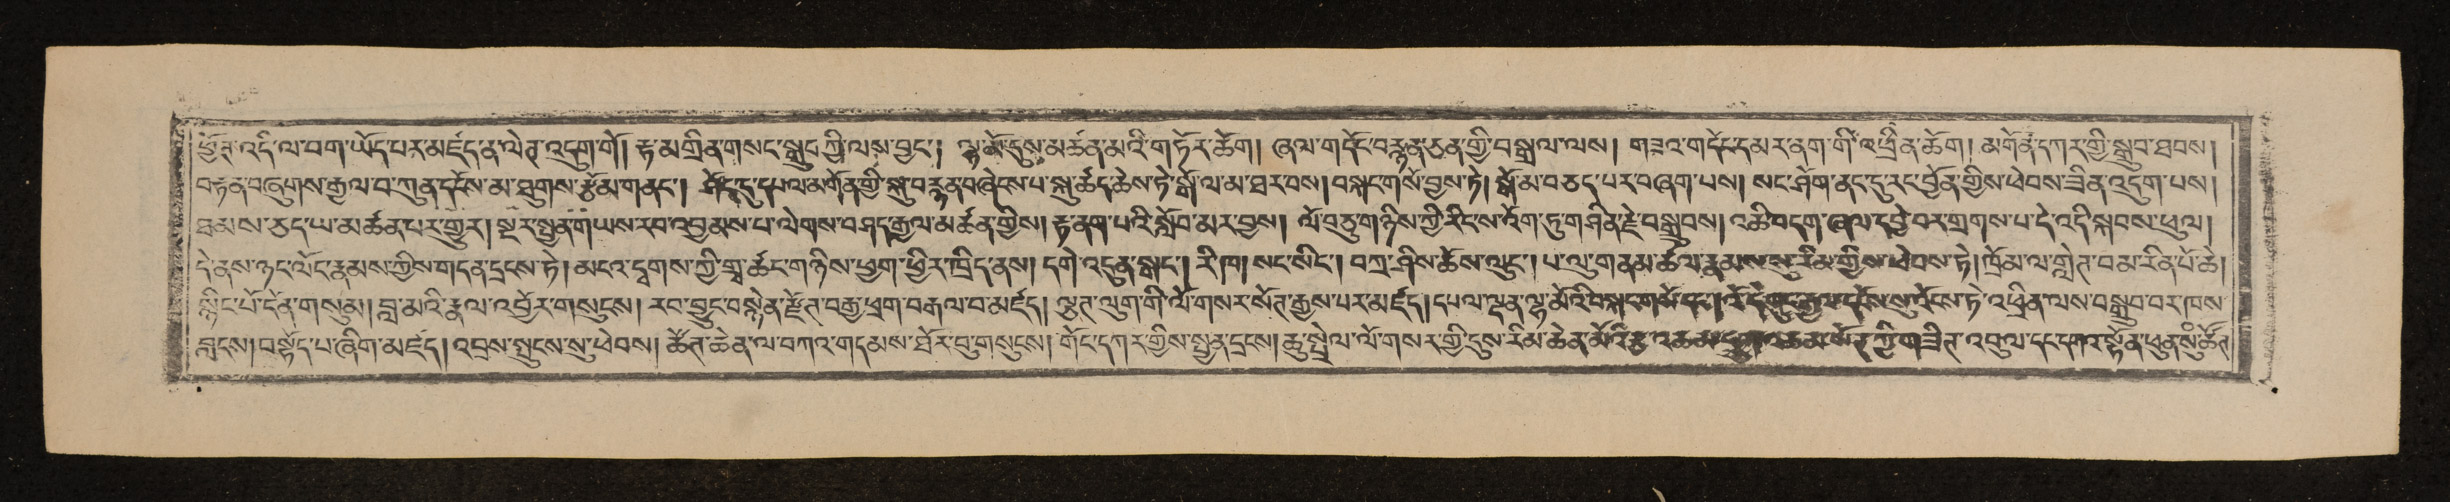ཕྱོགས་འདི་ལ་བག་ཡོད་པར་མཛད་ན་ལེགས་འདུག་གོ །རྟ་མགྲིན་གསང་སྒྲུབ་ཀྱི་ལས་བྱང་། ལྷ་མོ་དུས་མཚན་མའི་གཏོར་ཆོག །ཞལ་གདོང་བརྙན་ཅན་གྱི་བསྒྲལ་ལས། གཟའ་གདོང་དམར་ནག་གི་འཕྲིན་ཆོག །མགོན་དཀར་ཀྱི་སྒྲུབ་ཐབས། བརྟན་
བཞུགས་རྒྱལ་བ་ཀུན་དངོས་མ་ཐུགས་རྩོམ་གནང་། ཤོད་དུ་དཔལ་མགོན་གྱི་སྐུ་བརྙན་བཞེངས་པ་སྐུ་ཚད་ཆེས་ཏེ་སྒོ་ལ་མཐར་པས། བསྐང་གསོ་བྱས་ཏེ། སྒོམ་བཅད་པར་བཞག་པས། སང་ཤོག་ནང་དུ་རང་བྱོན་གྱིས་ཕེབས་ཟིན་འདུག་པས།
ཐམས་ཅད་ཡ་མཚན་པར་གྱུར། སྔར་སྤྱན་གཡས་རབ་འབྱམས་པ་ལེགས་བཤད་རྒྱལ་མཚན་གྱིས། རྟ་ནག་པའི་སློབ་མར་བྱས། ལོ་བཅུ་གཉིས་ཀྱི་རིང་ས་འོག་ཏུ་གཤིན་རྗེ་བསྒྲུབས། འཆི་བདག་ཞལ་དབྱེ་བར་གྲགས་པ་དེ་འདི་སྐབས་ཕུལ།
དེ་ནས་ཉང་ལོང་རྣམས་ཀྱིས་གདན་དྲངས་ཏེ། མངའ་དྭགས་ཀྱི་གྲྭ་ཚང་གཉིས་ཕྱག་ཕྱིར་ཁྲིད་ནས། དགེ་འདུན་སྒང་། རི་ཁ། སང་སིང་། བཀྲ་ཤིས་ཆོས་ལུང་། པ་ལུ་གནམ་ཚལ་རྣམས་སུ་རིམ་གྱིས་ཕེབས་ཏེ། ཁྲོམ་ལ་གླེགས་བམ་རིན་པོ་ཆེ། སྙིང་པོ་དོན་
གསུམ། བླ་མའི་རྣལ་འབྱོར་གསུངས། རབ་བྱུང་བསྙེན་རྫོགས་བརྒྱ་ཕྲག་བརྒལ་བ་མཛད། ལྕགས་ལུག་གི་ལོ་གསར་སོགས་རྒྱས་པར་མཛད། དཔལ་ལྡན་ལྷ་མོའི་བསྐང་གསོ་དང་། འོ་དེ་གུང་རྒྱལ་དངོས་སུ་འོངས་ཏེ་འཕྲིན་ལས་བསྒྲུབ་པར་ཁས་བླངས།
བསྟོང་བ་ཞིག་མཛད། འབྲས་སྤུངས་སུ་ཕེབས། ཚོགས་ཆེན་ལ་བཀའ་གདམས་ཐོར་བུ་གསུངས། གོང་དཀར་གྱིས་སྤྱན་དྲངས། ཆུ་སྤྲེལ་ལོ་གསར་གྱི་དུས་རིམ་ཆེན་མོའི་རྩ་འཆམ་དྲུག་འཆམ་སོགས་ཀྱི་གཟིགས་འབུལ་དང་དགའ་སྟོན་ཕུན་སུམ་ཚོགས་